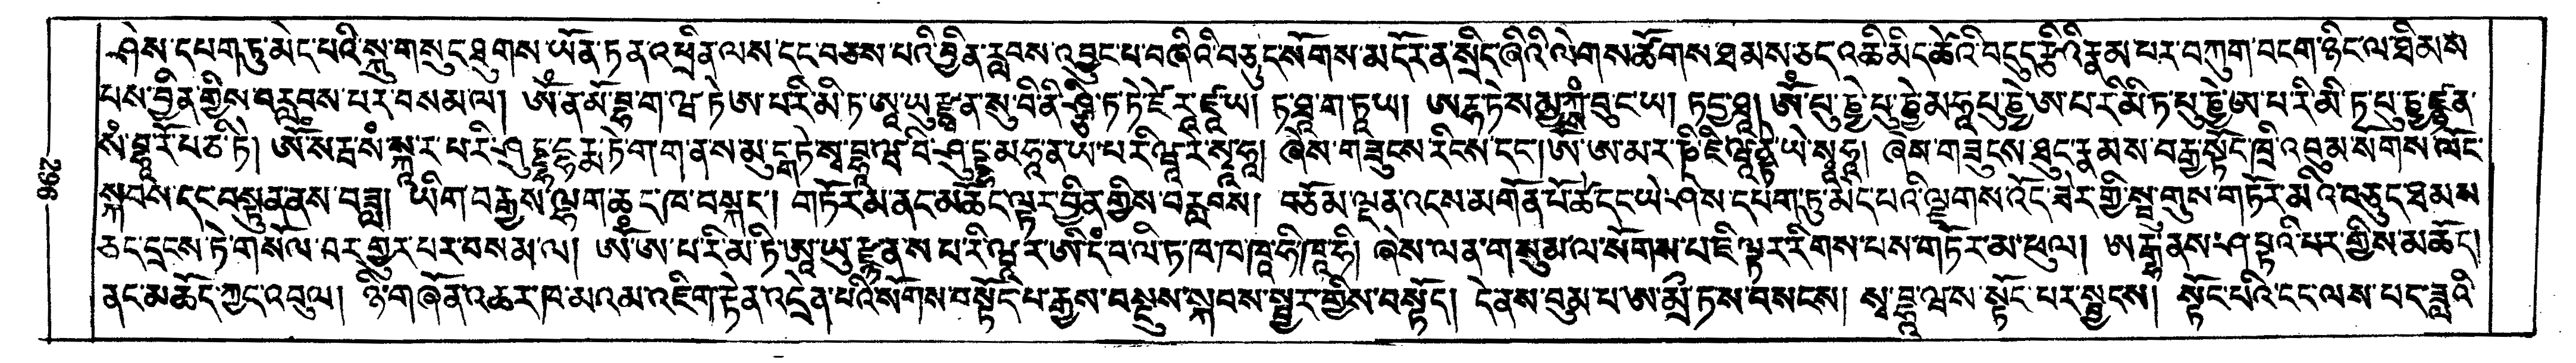ཤེས་དཔག་ཏུ་མེད་པའི་སྐུ་གསུང་ཐུགས་ཡོན་ཏན་འཕྲིན་ལས་དང་བཅས་པའི་བྱིན་རླབས་འབྱུང་བ་བཞིའི་བཅུད་སོགས་མདོར་ན་སྲིད་ཞིའི་ལེགས་ཚོགས་ཐམས་ཅད་འཆི་མེད་ཚེའི་བདུད་རྩིའི་རྣམ་པར་བཀུག་བདག་ཉིད་ལ་ཐིམས་
བས་བྱིན་གྱིས་བརླབས་པར་བསམ་ལ། ཨོཾ་ན་མོ་བྷ་ག་ཝ་ཏེ་ཨ་པ་རི་མི་ཏ་ཨཱ་ཡུརྫྙཱ་ན་སུ་བི་ནི་ཤྩི་ཏ་ཏེ་ཛོ་རཱ་ཛཱ་ཡ། ཏ་ཐཱ་ག་ཏཱ་ཡ། ཨརྷ་ཏེ་སམྱ་ཀྶཾ་བུདྡྷཱ་ཡ། ཏདྱ་ཐཱ། ཨོཾ་པུཎྱེ་པུ་ཎྱེ་མཧཱ་པུ་ཎྱེ་ཨ་པ་རི་མི་ཏ་བུ་ཎྱེ་ཨ་པ་རི་མི་ཏ་པུཎྱ་ཛྙཱ་ན་
སཾ་བྷཱ་རོ་པ་ཙི་ཏེ། ཨོཾ་སརྦ་སཾ་སྐཱ་ར་པ་རི་ཤུདྡྷ་དྷརྨ་ཏེ་ག་གནས་མུངྒ་ཏེ་སྭ་བྷཱ་ཝ་བི་ཤུདྡྷེ་མཧཱ་ན་ཡ་བ་རི་ཝཱ་རེ་སྭཱཧཱ། ཞེས་གཟུངས་རིངས་དང་། ཨོཾ་ཨ་མ་ར་ཎི་ཇི་ཝཱནྟེ་ཡེ་སྭཱཧཱ། ཞེས་གཟུངས་ཐུང་རྣམས་བརྒྱ་སྟོང་ཁྲི་འབུམ་སོགས་ལོང་
སྐབས་དང་བསྟུན་ནས་བཟླ། ཡིག་བརྒྱས་ལྷག་ཆད་ཁ་བསྐང་། གཏོར་མ་ནང་མཆོད་ལྟར་བྱིན་གྱིས་བརླབས། བཅོམ་ལྡན་འདས་མགོན་པོ་ཚེ་དང་ཡེ་ཤེས་དཔག་ཏུ་མེད་པའི་ལྗགས་འོད་ཟེར་གྱི་སྤུ་གུས་གཏོར་མའི་བཅུད་ཐམས་
ཅད་དྲངས་ཏེ་གསོལ་བར་གྱུར་པར་བསམ་ལ། ཨོཾ་ཨ་པ་རི་མ་ཏི་ཨཱ་ཡུ་རྫྙཱ་ན་ས་པ་རི་ཝཱ་ར་ཨི་དཾ་བ་ལི་ཏ་ཁ་ཁ་ཁཱ་ཧི་ཁཱ་ཧི། ཞེས་ལན་གསུམ་ལ་སོགས་པ་ཇི་ལྟར་རིགས་པས་གཏོར་མ་ཕུལ། ཨརྒྷཾ་ནས་ཤབཏའི་བར་གྱིས་མཆོད།
ནང་མཆོད་ཀྱང་འབུལ། ཉི་གཞོན་འཆར་ཁ་མའམ་འཇིག་རྟེན་འདྲེན་པའི་སོགས་བསྟོད་པ་རྒྱས་བསྡུས་སྐབས་སྦྱར་གྱིས་བསྟོད། དེ་ནས་བུམ་པ་ཨ་མྲྀ་ཏས་བསངས། སྭ་བྷཱ་ཝས་སྟོང་པར་སྦྱངས། སྟོང་པའི་ངང་ལས་བད་ཟླའི་